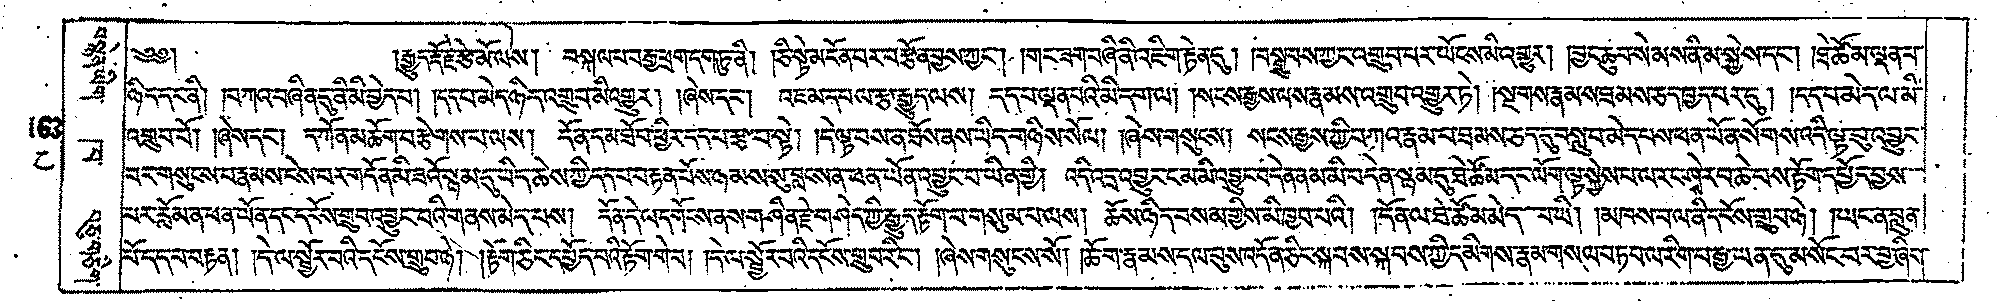༄༅། །རྒྱུད་རྡོ་རྗེ་རྩེ་མོ་ལས། བསྐལ་པ་བརྒྱ་ཕྲག་དག་ཏུ་ནི། །ཅི་སྟེ་མངོན་པར་བརྩོན་བྱས་ཀྱང་། །གང་ཟག་བཞི་ནི་འཇིག་རྟེན་དུ། །བསྒྲུབས་ཀྱང་འགྲུབ་པར་ཡོངས་མི་འགྱུར། །བྱུང་ཆུབ་སེམས་ནི་མ་སྐྱེས་དང་། །ཐེ་ཚོམ་ལྡན་པ་་་
ཉིད་དང་ནི། །བཀའ་བཞིན་དུ་ནི་མི་བྱེད་པ། །དད་པ་མེད་ཉིད་འགྲུབ་མི་འགྱུར། །ཞེས་དང་། འཇམ་དཔལ་རྩ་རྒྱུད་ལས། དད་པ་ལྡན་པའི་མི་དག་ལ། །སངས་རྒྱས་ལས་རྣམས་འགྲུབ་འགྱུར་ཏེ། །སྔགས་རྣམས་ཐམས་ཅད་ཁྱད་པར་དུ། །དད་པ་མེད་ལ་མི་་་
འགྲུབ་བོ། །ཞེས་དང་། དཀོན་མཆོག་བརྩེགས་པ་ལས། དོན་དམ་ཐོབ་ཕྱིར་དད་པ་རྩ་བ་སྟེ། །དེ་ལྟ་བས་ན་ཐོས་ནས་ཡིད་གཉིས་སོལ་། །ཞེས་གསུངས། སངས་རྒྱས་ཀྱི་བཀའ་རྣམ་པ་ཐམས་ཅད་དུ་བསླུ་བ་མེད་པས་ཕན་ཡོན་སོགས་འདི་ལྟ་བུ་འབྱུང་་་
བར་གསུངས་པ་རྣམས་ངེས་པར་གདོན་མི་ཟO་སྙམ་དུ་ཡིད་ཆེས་ཀྱི་དད་པ་བརྟན་པོས་ཉམས་སུ་བླངས་ན་ཕན་ཡོན་འབྱུང་བ་ཡིན་གྱི། འདི་འདྲ་འབྱུང་ངམ་མི་འབྱུང་བདེན་ནམ་མི་བདེན་སྙམ་དུ་ཐེ་ཚོམ་དང་ལོག་ལྟ་ཀྶྱེས་པ་ལ་རང་ཤེས་རབ་ཆེ་བས་རྟོག་དཔྱོད་བྱས་་་
པར་རློམ་ན་ཕན་ཡོན་དང་དངོས་གྲུབ་འབྱུང་བའི་གནས་མེད་པས། དོན་དེ་ལ་དགོངས་ནས་གཤིན་རྗེ་གཤེད་ཀྱི་རྒྱུད་རྟོག་པ་གསུམ་པ་ལས། ཆོས་ཉིད་བསམ་གྱིས་མི་ཁྱབ་པའི། །དོན་ལ་ཐེ་ཚོམ་མེད་་་པ་ཡི། །མཁས་པ་ལ་ནི་དངོས་གྲུབ་ཉེ། །ཡང་ན་བླུན་
པོ་དད་པ་བརྟན། །དེ་ལ་སྦྱོར་བའི་དངོས་གྲུབ་ཉེ། །རྟོག་ཅིང་དཔྱོད་པའི་རྟོག་གེ་བ། །དེ་ལ་སྦྱོར་བའི་དངོས་གྲུབ་རིང་། །ཞེས་གསུངས་སོ། །ཆོ་ག་རྣམས་དལ་བུས་འདོན་ཅིང་སྐབས་སྐབས་ཀྱི་དམིགས་རྣམ་གསལ་བཏབ་ལ་རིག་པ་རྒྱ་ཡན་དུ་མ་སོང་བར་བྱ་ཞིང་།